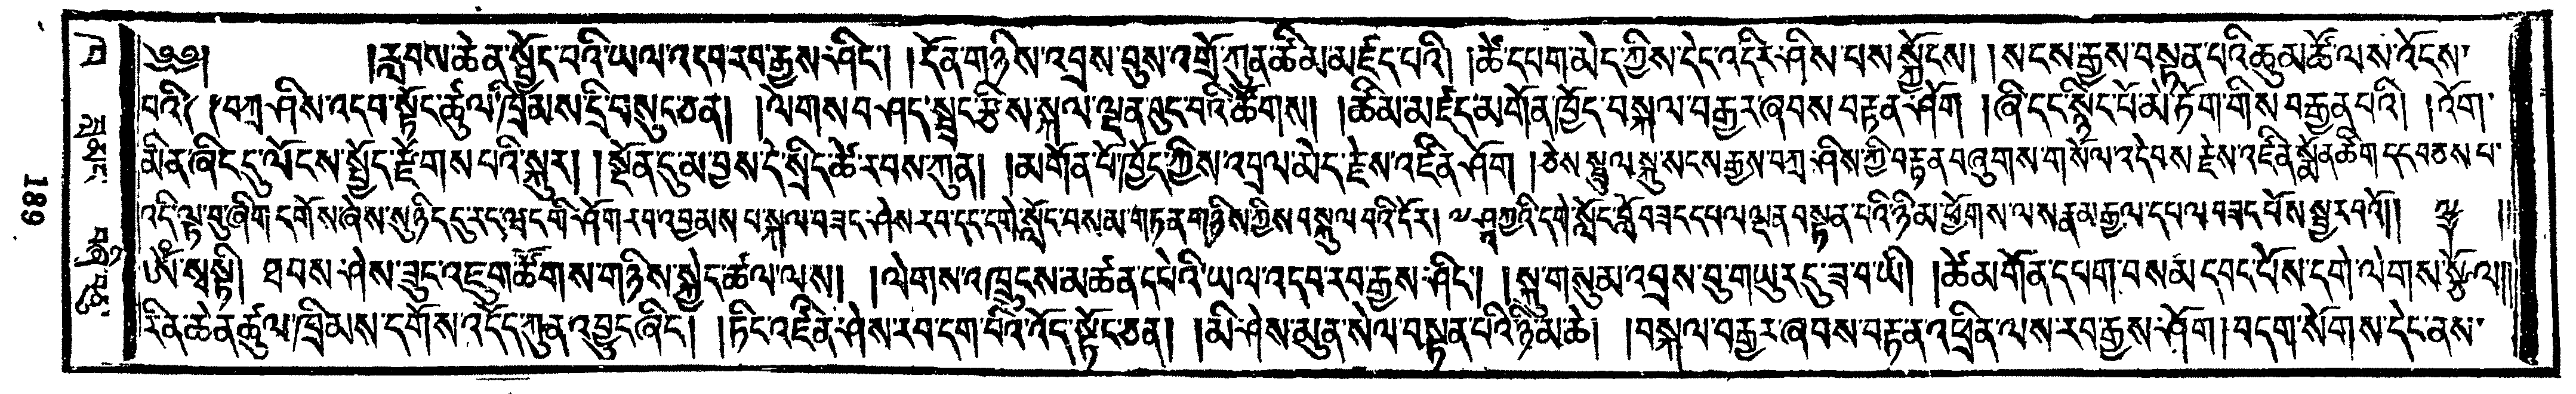༄༅། །རླབས་ཆེན་སྦྱོད་པའི་ཡལ་འདབ་རབ་རྒྱས་ཤིང་། །དོན་གཉིས་འབྲས་བུས་འགྲོ་ཀུན་ཚིམ་མཛད་པའི། །ཚེ་དཔག་མེད་ཀྱིས་དེད་འདིར་ཤིས་པས་སྐྱོངས། །སངས་རྒྱས་བསྟན་པའི་ཆུ་མཚོ་ལས་འོངས་
པའི༑ ༑བཀྲ་ཤིས་འདབ་སྟོང་ཚུལ་ཁྲིམས་དྲི་བསུང་ཅན། །ལེགས་བཤད་སྦྲང་རྩིས་སྐལ་ལྡན་བུང་བའི་ཚོགས། །ཚིམ་མཛད་མགོན་ཁྱོད་བསྐལ་བརྒྱར་ཞབས་བརྟན་ཤོག །ཞི་དང་སྙིང་པོ་མེ་ཏོག་གིས་བརྒྱན་པའི། །འོག་
མིན་ཞིང་དུ་ལོངས་སྤྱོད་རྫོགས་པའི་སྐུར། །སྡོན་དུ་མ་བྱས་དེ་སྲིད་ཚེ་རབས་ཀུན། །མགོན་པོ་ཁྱོད་ཀྱིས་འབྲལ་མེད་རྗེས་འཛིན་ཤོག །ཅེས་སྤྲུལ་སྐུ་སངས་རྒྱས་བཀྲ་ཤིས་ཀྱི་བརྟན་བཞུགས་གསོལ་འདེབས་རྗེས་འཛིན་སྨོན་ཚིག་དང་བཅས་པ་
འདི་ལྟ་བུ་ཞིག་དགོས་ཞེས་སུ་ཉིད་དུ་རང་ཝང་གི་ཤོག་རབ་འབྱམས་པ་སྐལ་བཟང་ཤེས་རབ་དང་དགེ་སློང་བསམ་གཏན་གཉིས་ཀྱིས་བསྐུལ་བའི་དོར། ༧་ཤཱཀྱའི་དགེ་སློང་བློ་བཟང་དཔལ་ལྡན་བསྟན་པའི་ཉི་མ་ཕྱོགས་ལས་རྣམ་རྒྱལ་དཔལ་བཟང་པོས་སྦྱར་བའོ།། ༈ །།
ཨོཾ་སྭ་སྟི། ཐབས་ཤེས་ཟུང་འཇུག་ཚོགས་གཉིས་སྐྱེད་ཚལ་ལས། །ལེགས་འཁྲུངས་མཚན་དཔེའི་ཡལ་འདབ་རབ་རྒྱས་ཤིང་། །སྐུ་གསུམ་འབྲས་བུ་གཡུར་དུ་ཟ་བ་ཡི། །ཚེ་མགོན་དཔག་བསམ་དབང་པོས་དགེ་ལེགས་སྩོལ།།
རིན་ཆེན་ཚུལ་ཁྲིམས་དགོས་འདོད་ཀུན་འབྱུང་ཞིང་། །ཏིང་འཛིན་ཤེས་རབ་དག་པའི་འོད་སྟོང་ཅན། །མི་ཤེས་མུན་སེལ་བསྟན་པའི་ཉི་མ་ཆེ། །བསྐལ་བརྒྱར་ཞབས་བརྟན་འཕྲིན་ལས་རབ་རྒྱས་ཤོག །བདག་སོགས་དེང་ནས་